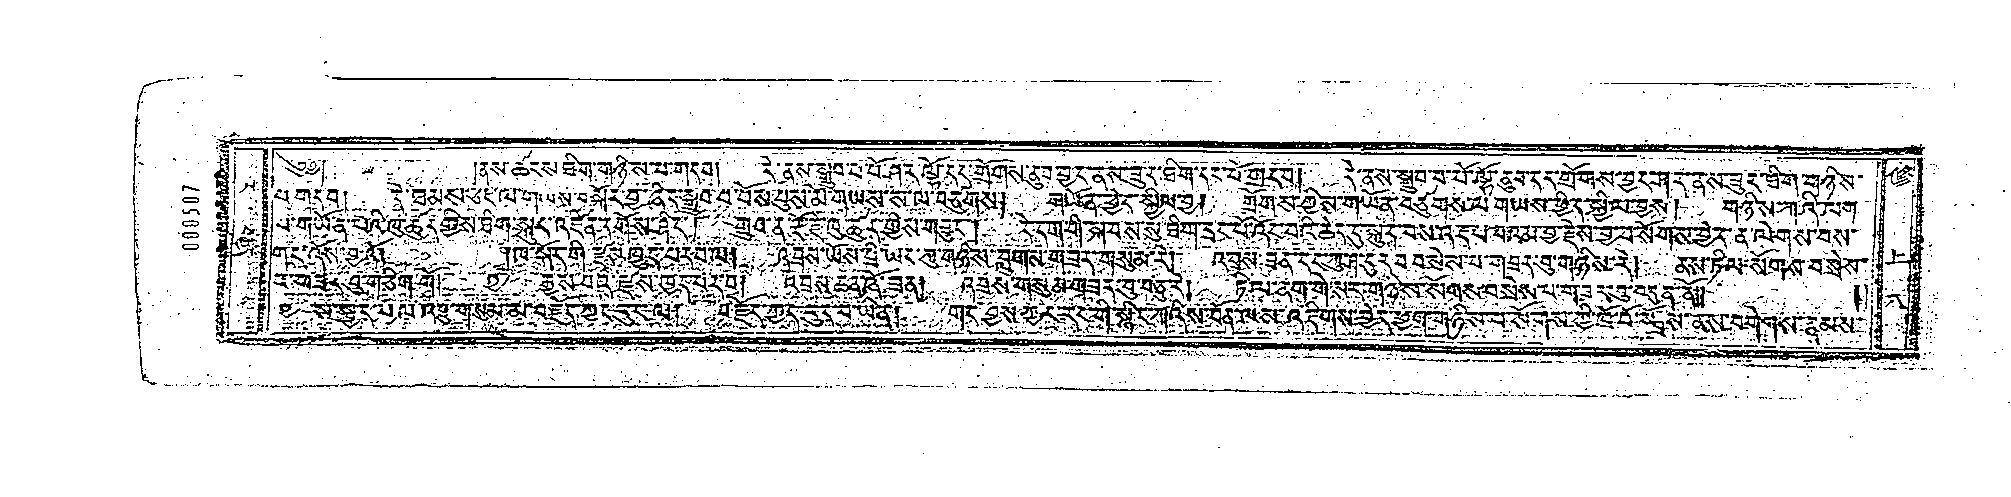༄༅། །ནས་ཚངས་ཐིག་གཉིས་པ་གདབ། དེ་ནས་སྒྲུབ་པ་པོ་ཤར་ལྷོ་དང་གྲོགས་ནུབ་བྱང་ནས་ཟུར་ཐིག་དང་པོ་གདབ། དེ་ནས་སྒྲུབ་པ་པོ་ལྷོ་ནུབ་དང་གྲོགས་བྱང་ཤར་ནས་ཟུར་ཐིག་གཉིས་
པ་གདབ། དེ་ཐམས་ཅད་ལ་གཡས་བསྐོར་བྱ་ཞིང་སྒྲུབ་པ་པོས་པུས་མོ་གཡས་ས་ལ་བཙུགས། གཡོན་ཕྱེད་སྐྱིལ་བྱ། གྲོགས་ཀྱིས་གཡོན་བཙུགས་ལ་གཡས་ཕྱིད་སྐྱིལ་བྱས། གཉིས་ཀའི་ལག་
པ་གཡོན་པའི་ཁུ་ཚུར་གྱིས་ཐིག་སྐུད་འཛིན་དགོས་ཤིང་། གྲུབ་ན་རྡོ་རྗེ་ཁུ་ཚུར་གྱིས་གཟུང་། དེ་དག་གི་སྐབས་སུ་ཐིག་དྲང་པོ་འོང་བའི་ཆེད་དུ་སྐུད་བས་འཇ་པ་བའམ་བྱ་རྗེས་བྱ་བ་སོགས་བྱེད་ན་ལེགས་བས་
གང་འོས་བྱའོ། །ཁ་སྐོང་གི་རྫས་ཁྱད་པར་བ་ལ། འབྲས་ཡོས་བྲི་ཡང་ཀུ་གཉིས་བླུགས་གཟར་གསུམ་རེ། འབྲས་ཟན་དང་ཀུ་ཤ་དུར་བ་བསྲེས་པ་གཟར་བུ་གཉིས་རེ། ནས་ཏིལ་སོགས་བསྲེས་
བ་གཟར་བུ་གཅིག་གོ། ༧་རྒྱས་པའི་རྫས་ཁྱད་པར་བ། འབྲས་ཆན་ཞོ་ཟན། འབྲས་གསུམ་གཟར་བུ་བཅུ་རེ། ཏིལ་ནག་གེ་སར་གཉིས་སོགས་བསྲེས་པ་གཟར་བུ་བདུན་ནོ།། །
༧་ས་སྦྱད་པ་ལ་འབྲུ་གསུམ་མ་བརྗོད་ཀྱང་རུང་ལ། བརྗོད་ཀྱང་རུང་བ་ཡིན། གང་བྱས་ཀྱང་རང་གི་སྙིང་ཀའི་ས་བོན་ལས་འཇིགས་བྱེད་ཕྱག་གཉིས་པ་སོགས་ཀྱི་ཁྲོ་བོ་སྤྲོས་ནས་བགེགས་རྣམས་